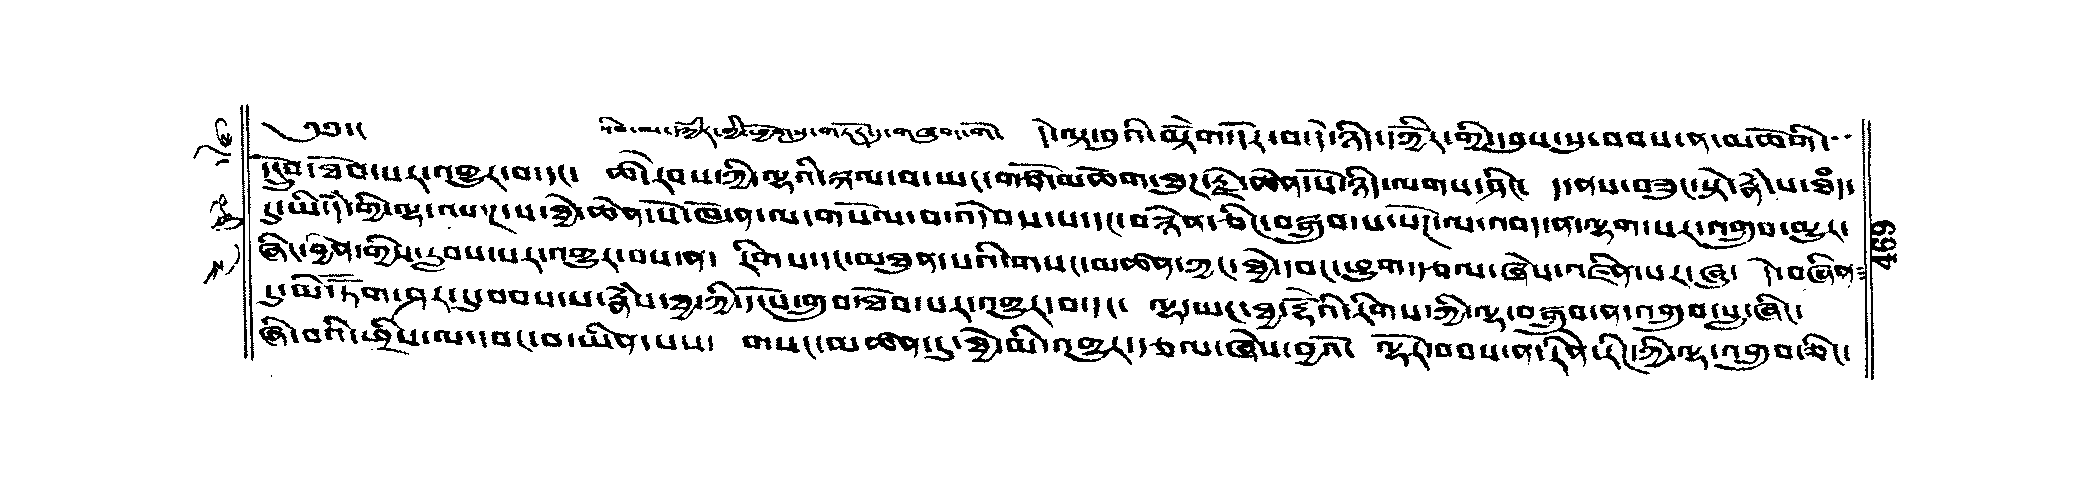སིལ་མ་དཀྱིལ་འཁོར་གྱི་ཕྱོགས་གཏོར་དུ་གཞུག་གོ་དེ་ལྟ་བུའི་མེ་ཏོག་དོར་བ་དེ་ཉིད་དཀྱིལ་འཁོར་གྱི་དབུས་སུ་བབས་ན་མཆོག་གི་
དངོས་གྲུབ་ཐོབ་པར་འགྱུར་བ་དང་། ཚེ་རབས་ཀྱི་ལྷའི་སྐལ་བ་ཡང་གཙོ་མཆོག་ཐུགས་རྗེ་ཆེན་པོ་ཉིད་ལགས་ཤིང་། ད་ནས་བཟུང་སྟེ་རྣམ་པ་ཐམས་ཅད་
དུ་ཡི་དམ་གྱི་ལྷ་འཕགས་པ་ཐུགས་རྗེ་ཆེན་པི་ཁོ་ན་ལ་གསོལ་བ་འདེབས་པ་དང་བསྙེན་ཅིང་བསྒྲུབ་པ་སོགས་ལ་འབད་ན་ལྷག་པར་འགྲུབ་མྱུར་
ཞིང་བྱིན་གྱིས་རླབས་པར་འགྱུར་བས་ན། རིགས་དང་མཐུན་པའི་གསང་མཚན་ཀྱང་ཐུགས་རྗེ་དབང་ཕྱུག་རྩལ་ཞེས་འཛིན་པར་ཞུ། དེ་བཞིན་
དུ་མེ་ཏོག་ཤར་དུ་བབས་པ་རྣམས་ཐུགས་ཀྱི་དངོས་གྲུབ་ཐོབ་པར་འགྱུར་བ་དང་།ལྷ་ཡང་ཐུགས་རྡོ་རྗེའི་རིགས་ཀྱི་ལྷ་བསྒྲུབ་ན་འགྲུབ་སླ་ཞིང་། 
ཞི་བའི་ཕྲིན་ལས་ལ་དབང་བ་ཡིན་པས། གསང་མཚན་དུ་ཐུགས་མི་འགྱུར་རྩལ་ཞེས་བྱའོ། ལྷོར་བབས་ན་རིན་ཆེན་རིགས་ཀྱི་ལྷ་འགྲུབ་ཅིང་